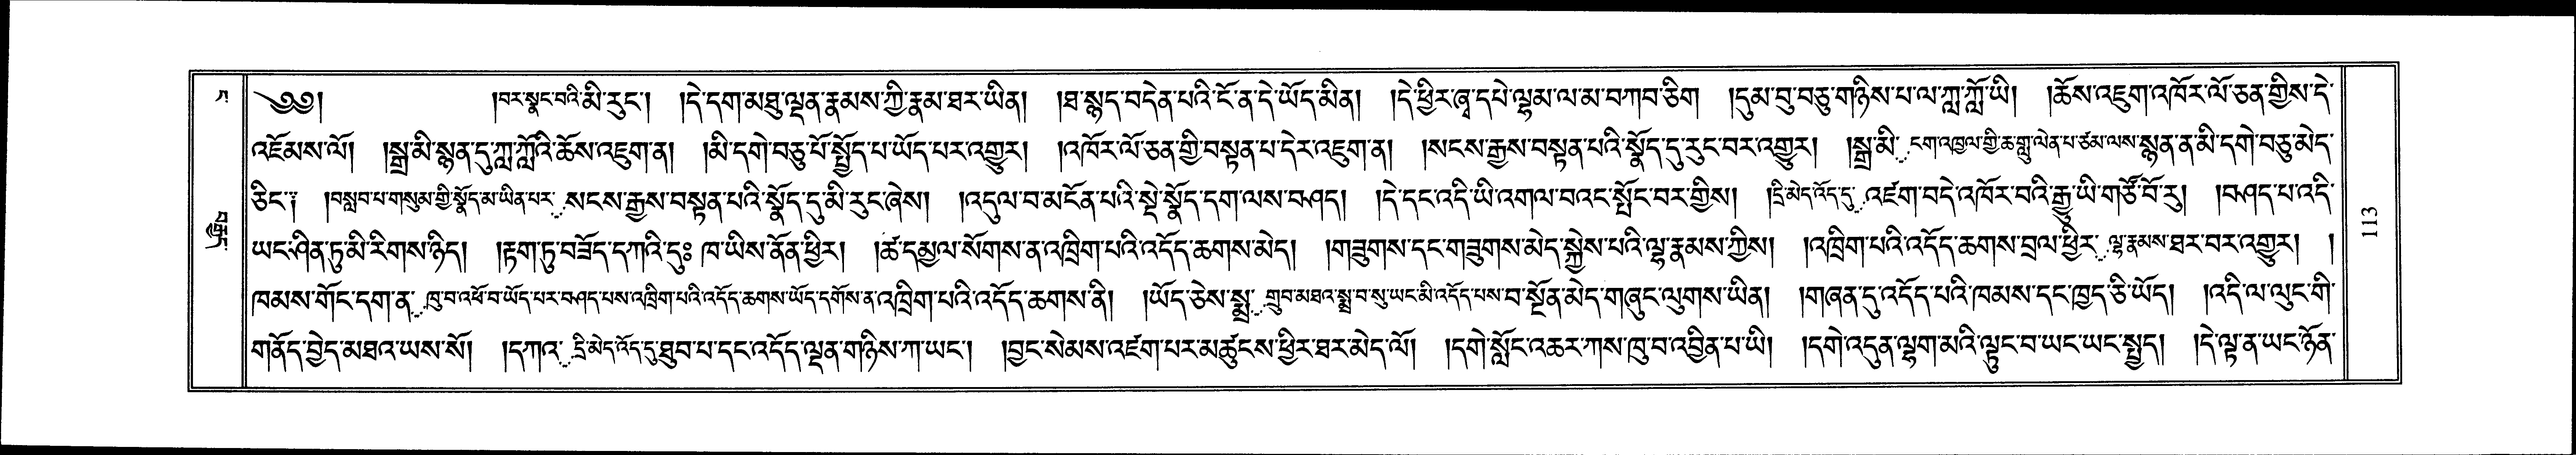༄༅། །བར་སྣང་བའི་མི་རུང་། །དེ་དག་མཐུ་ལྡན་རྣམས་ཀྱི་རྣམ་ཐར་ཡིན། །ཐ་སྙད་བདེན་པའི་ངོ་ན་དེ་ཡོད་མིན། །དེ་ཕྱིར་ཞྭ་དཔེ་ལྷམ་ལ་མ་བཀབ་ཅིག །དུམ་བུ་བཅུ་གཉིས་པ་ལ་ཀླ་ཀློ་ཡི། །ཆོས་འཇུག་འཁོར་ལོ་ཅན་གྱིས་དེ་
འཇོམས་ལོ། །སྒྲ་མི་སྙན་དུ་ཀླ་ཀློའི་ཆོས་འཇུག་ན། །མི་དགེ་བཅུ་པོ་སྤྱོད་པ་ཡོད་པར་འགྱུར། །འཁོར་ལོ་ཅན་གྱི་བསྟན་པ་དེར་འཇུག་ན། །སངས་རྒྱས་བསྟན་པའི་སྣོད་དུ་རུང་བར་འགྱུར། །སྒྲ་མི་ངག་འཁྱལ་གྱི་ཆ་གླུ་ལེན་པ་ཙམ་ལས་སྙན་ན་མི་དགེ་བཅུ་མེད་
ཅིང་། །བསླབ་པ་གསུམ་གྱི་སྣོད་མ་ཡིན་པར་སངས་རྒྱས་བསྟན་པའི་སྣོད་དུ་མི་རུང་ཞེས། །འདུལ་བ་མངོན་པའི་སྡེ་སྣོད་དག་ལས་བཤད། །དེ་དང་འདི་ཡི་འགལ་བའང་སྤོང་བར་གྱིས། །དྲི་མེད་འོད་དུ་འཛག་བདེ་འཁོར་བའི་རྒྱུ་ཡི་གཙོ་བོ་རུ། །བཤད་པ་འདི་
ཡང་ཤིན་ཏུ་མི་རིགས་ཉིད། །རྟག་ཏུ་བཟོད་དཀའི་དུཿ ཁ་ཡིས་ནོན་ཕྱིར། །ཚ་དམྱལ་སོགས་ན་འཁྲིག་པའི་འདོད་ཆགས་མེད། །གཟུགས་དང་གཟུགས་མེད་སྐྱེས་པའི་ལྷ་རྣམས་ཀྱིས། །འཁྲིག་པའི་འདོད་ཆགས་བྲལ་ཕྱིར་ལྷ་རྣམས་ཐར་བར་འགྱུར། །
ཁམས་གོང་དག་ན་ཁུ་བ་འཕོ་བ་ཡོད་པར་བཤད་པས་འཁྲིག་པའི་འདོད་ཆགས་ཡོད་དགོས་ན་འཁྲིག་པའི་འདོད་ཆགས་ནི་།ཡོད་ཅེས་སྨྲ་གྲུབ་མཐའ་སྨྲ་བ་སུ་ཡང་མི་འདོད་པས་བ་སྔོན་མེད་གཞུང་ལུགས་ཡིན། །གཞན་དུ་འདོད་པའི་ཁམས་དང་ཁྱད་ཅི་ཡོད། །འདི་ལ་ལུང་གི་
གནོད་བྱེད་མཐའ་ཡས་སོ། །དཀའ་དྲི་མེད་འོད་དུ་ཐུབ་པ་དང་འདོད་ལྡན་གཉིས་ཀ་ཡང་། །བྱང་སེམས་འཛག་པར་མཚུངས་ཕྱིར་ཐར་མེད་ལོ། །དགེ་སློང་འཆར་ཀས་ཁུ་བ་འབྱིན་པ་ཡི། །དགེ་འདུན་ལྷག་མའི་ལྟུང་བ་ཡང་ཡང་སྤྱད། །དེ་ལྟ་ན་ཡང་ཉོན་